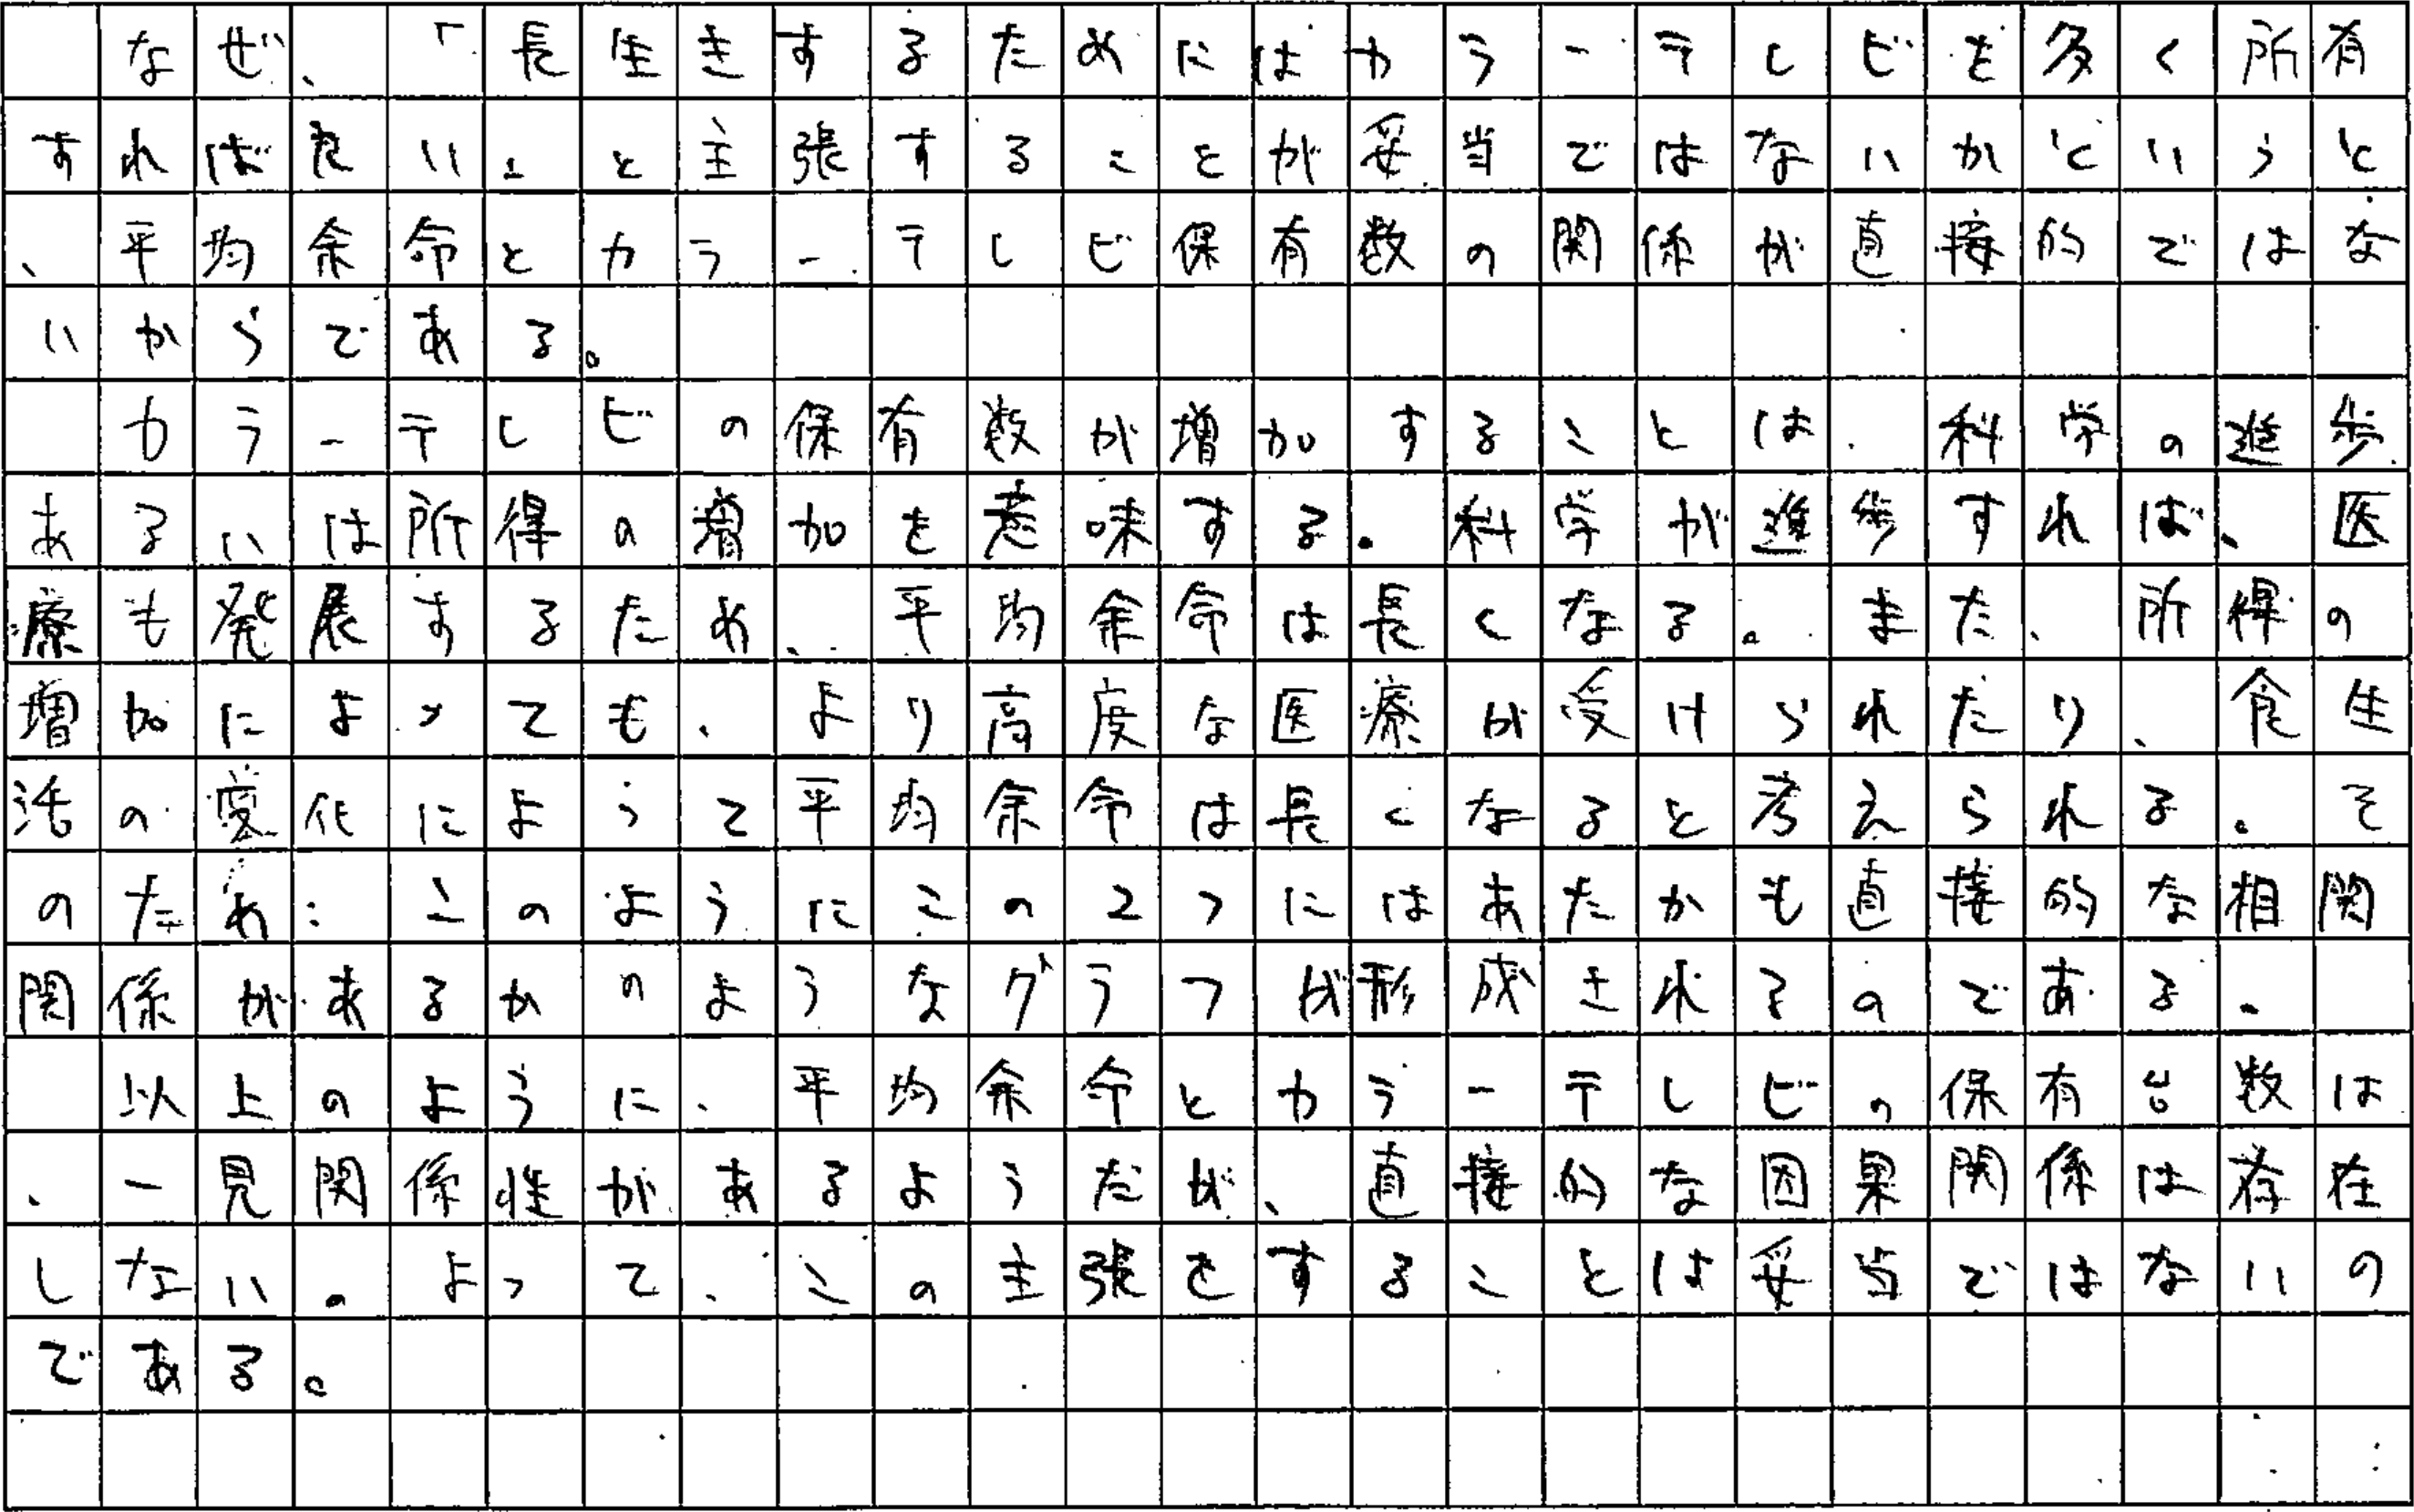　なぜ、「長生きするためにはカラーテレビを多く所有すれば良い」と主張することが妥当ではないかというと、平均余命とカラーテレビ保有数の関係が直接的ではないからである。
　カラーテレビの保有数が増加することは　科学の進歩あるいは所得の増加を意味する。科学が進歩すれば、医療も発展するため、平均余命は長くなる。また、所得の増加によっても、より高度な医療が受けられたり、食生活の変化によって平均余命は長くなると考えられる。そのため、このようにこの２つにはあたかも直接的な相関関係があるかのようなグラフが形成されるのである。
　以上のように、平均余命とカラーテレビの保有台数は、一見関係性があるようだが、直接的な因果関係は存在しない。よって、この主張をすることは妥当ではないのである。
